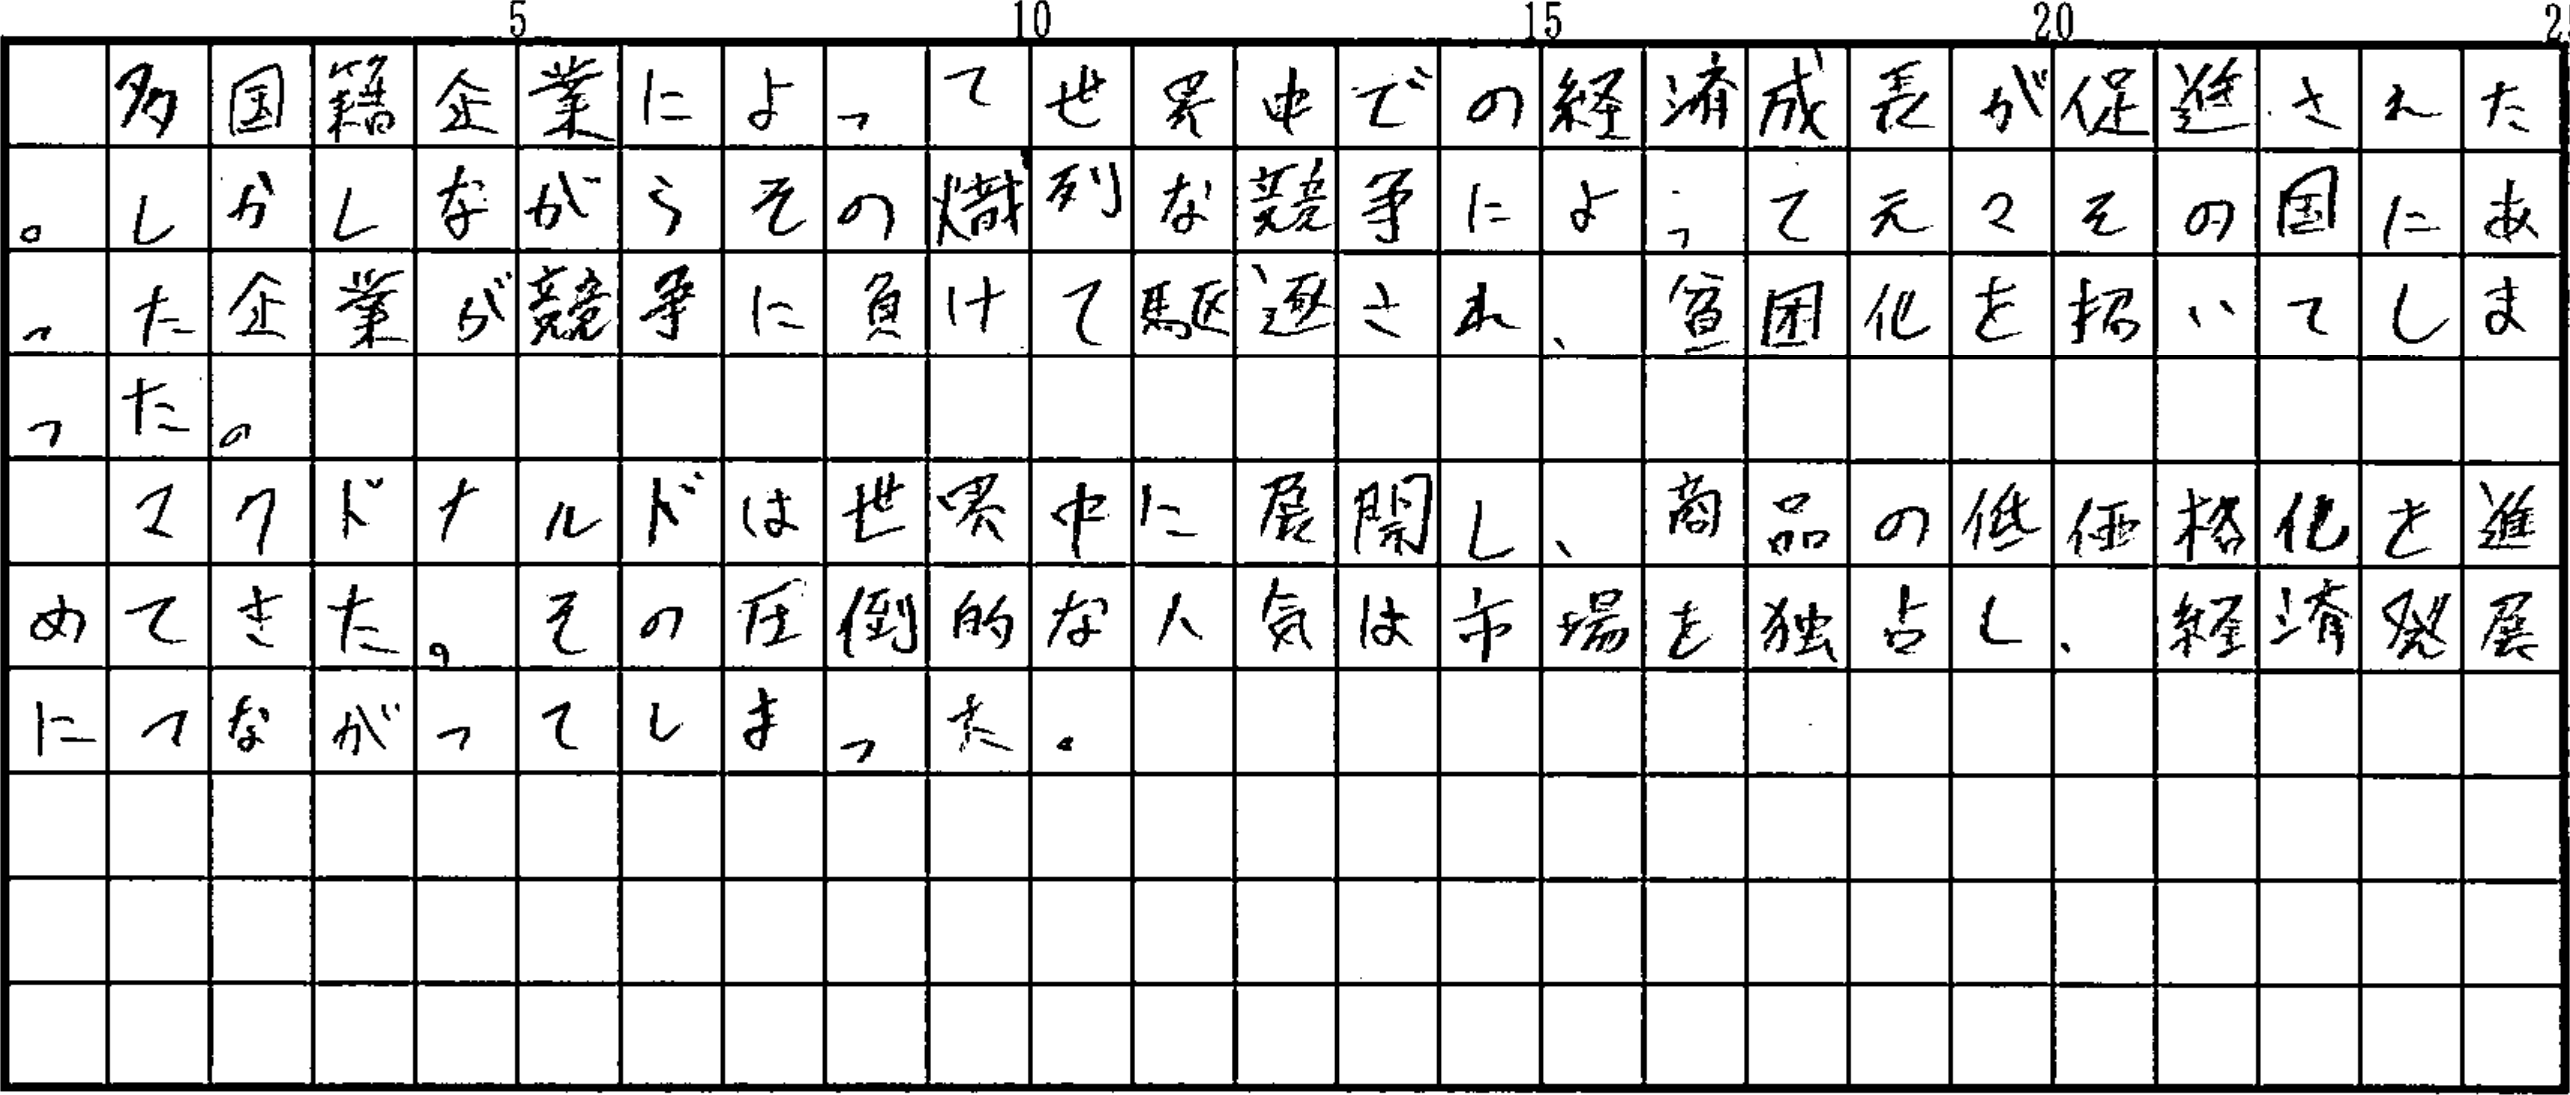　多国籍企業によって世界中での経済成長が促進された。しかしながらその熾列な競争によって元々その国にあった企業が競争に負けて駆逐され、貧困化を招いてしまった。
　マクドナルドは世界中に展開し、商品の低価格化を進めてきた。その圧倒的な人気は市場を独占し、経済発展につながってしまった。
